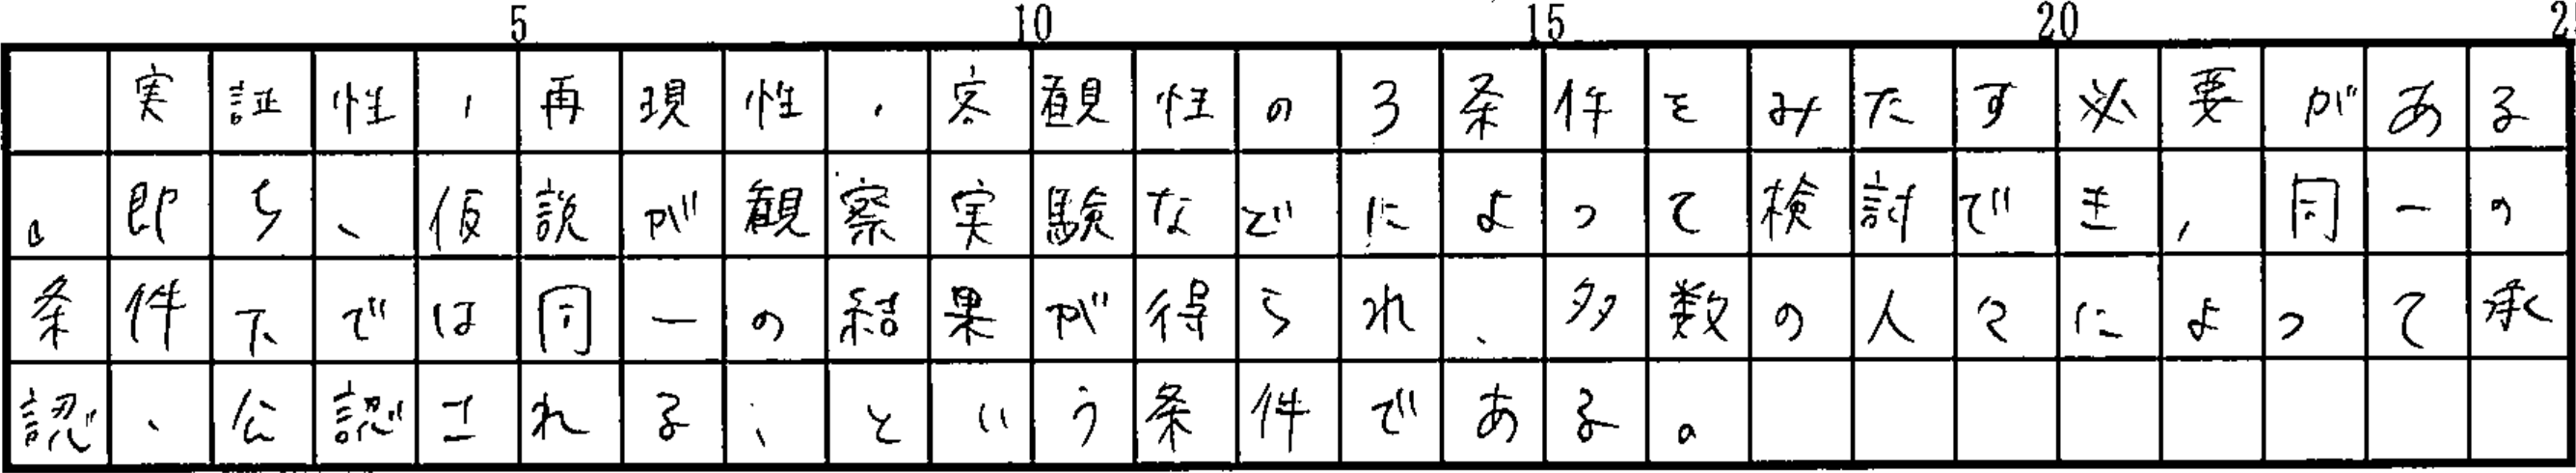　実証性・再現性・客観性の３条件をみたす必要がある。即ち、仮説が観察実験などによって検討でき、同一の条件下では同一の結果が得られ、多数の人々によって承認、公認される、という条件である。
